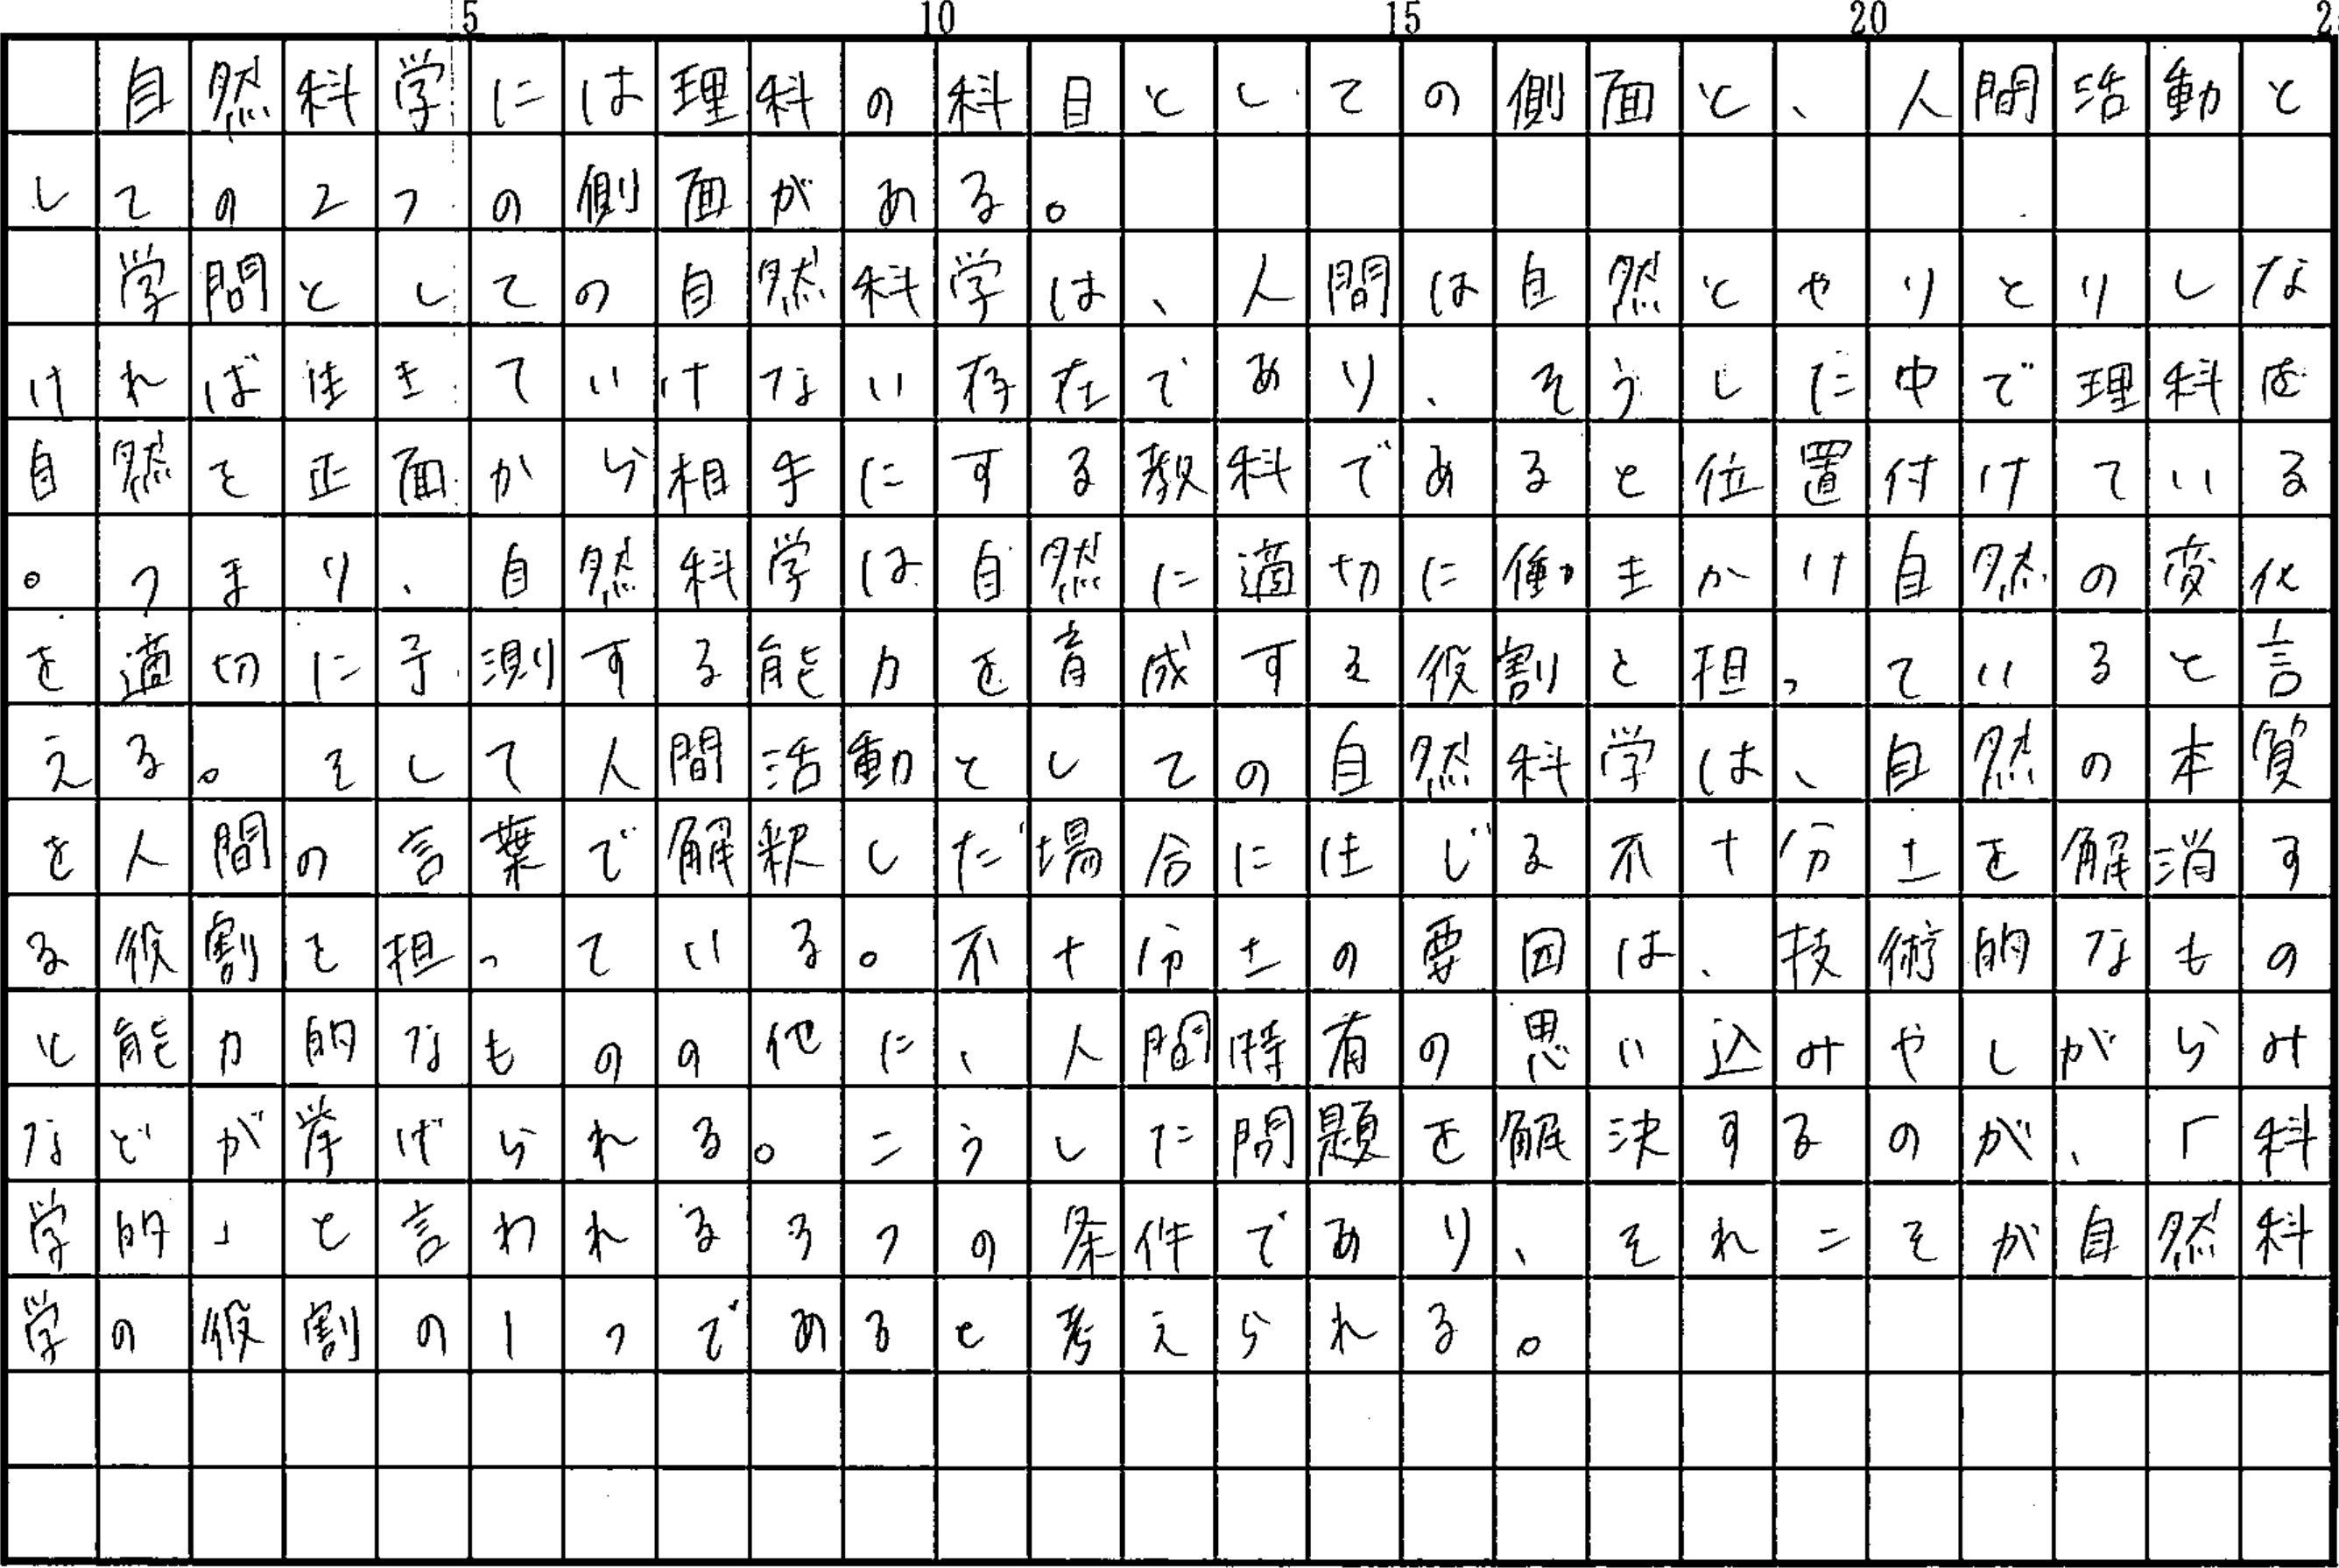　自然科学には理科の科目としての側面と、人間活動としての２つの側面がある。
　学問としての自然科学は、人間は自然とやり取りしなければ生きていけない存在であり、そうした中で理科を自然を正面から相手にする教科であると位置付けている。つまり、自然科学は自然に適切に働きかけ自然の変化を適切に予測する能力を育成する役割を担っていると言える。そして人間活動としての自然科学は、自然の本質を人間の言葉で解釈した場合に生じる不十分さを解消する役割を担っている。不十分さの要因は、技術的なものと能力的なものの他に、人間特有の思い込みやしがらみなどが挙げられる。こうした問題を解決するのが、「科学的」と言われる３つの条件であり、それこそが自然科学の役割の１つであると考えられる。
